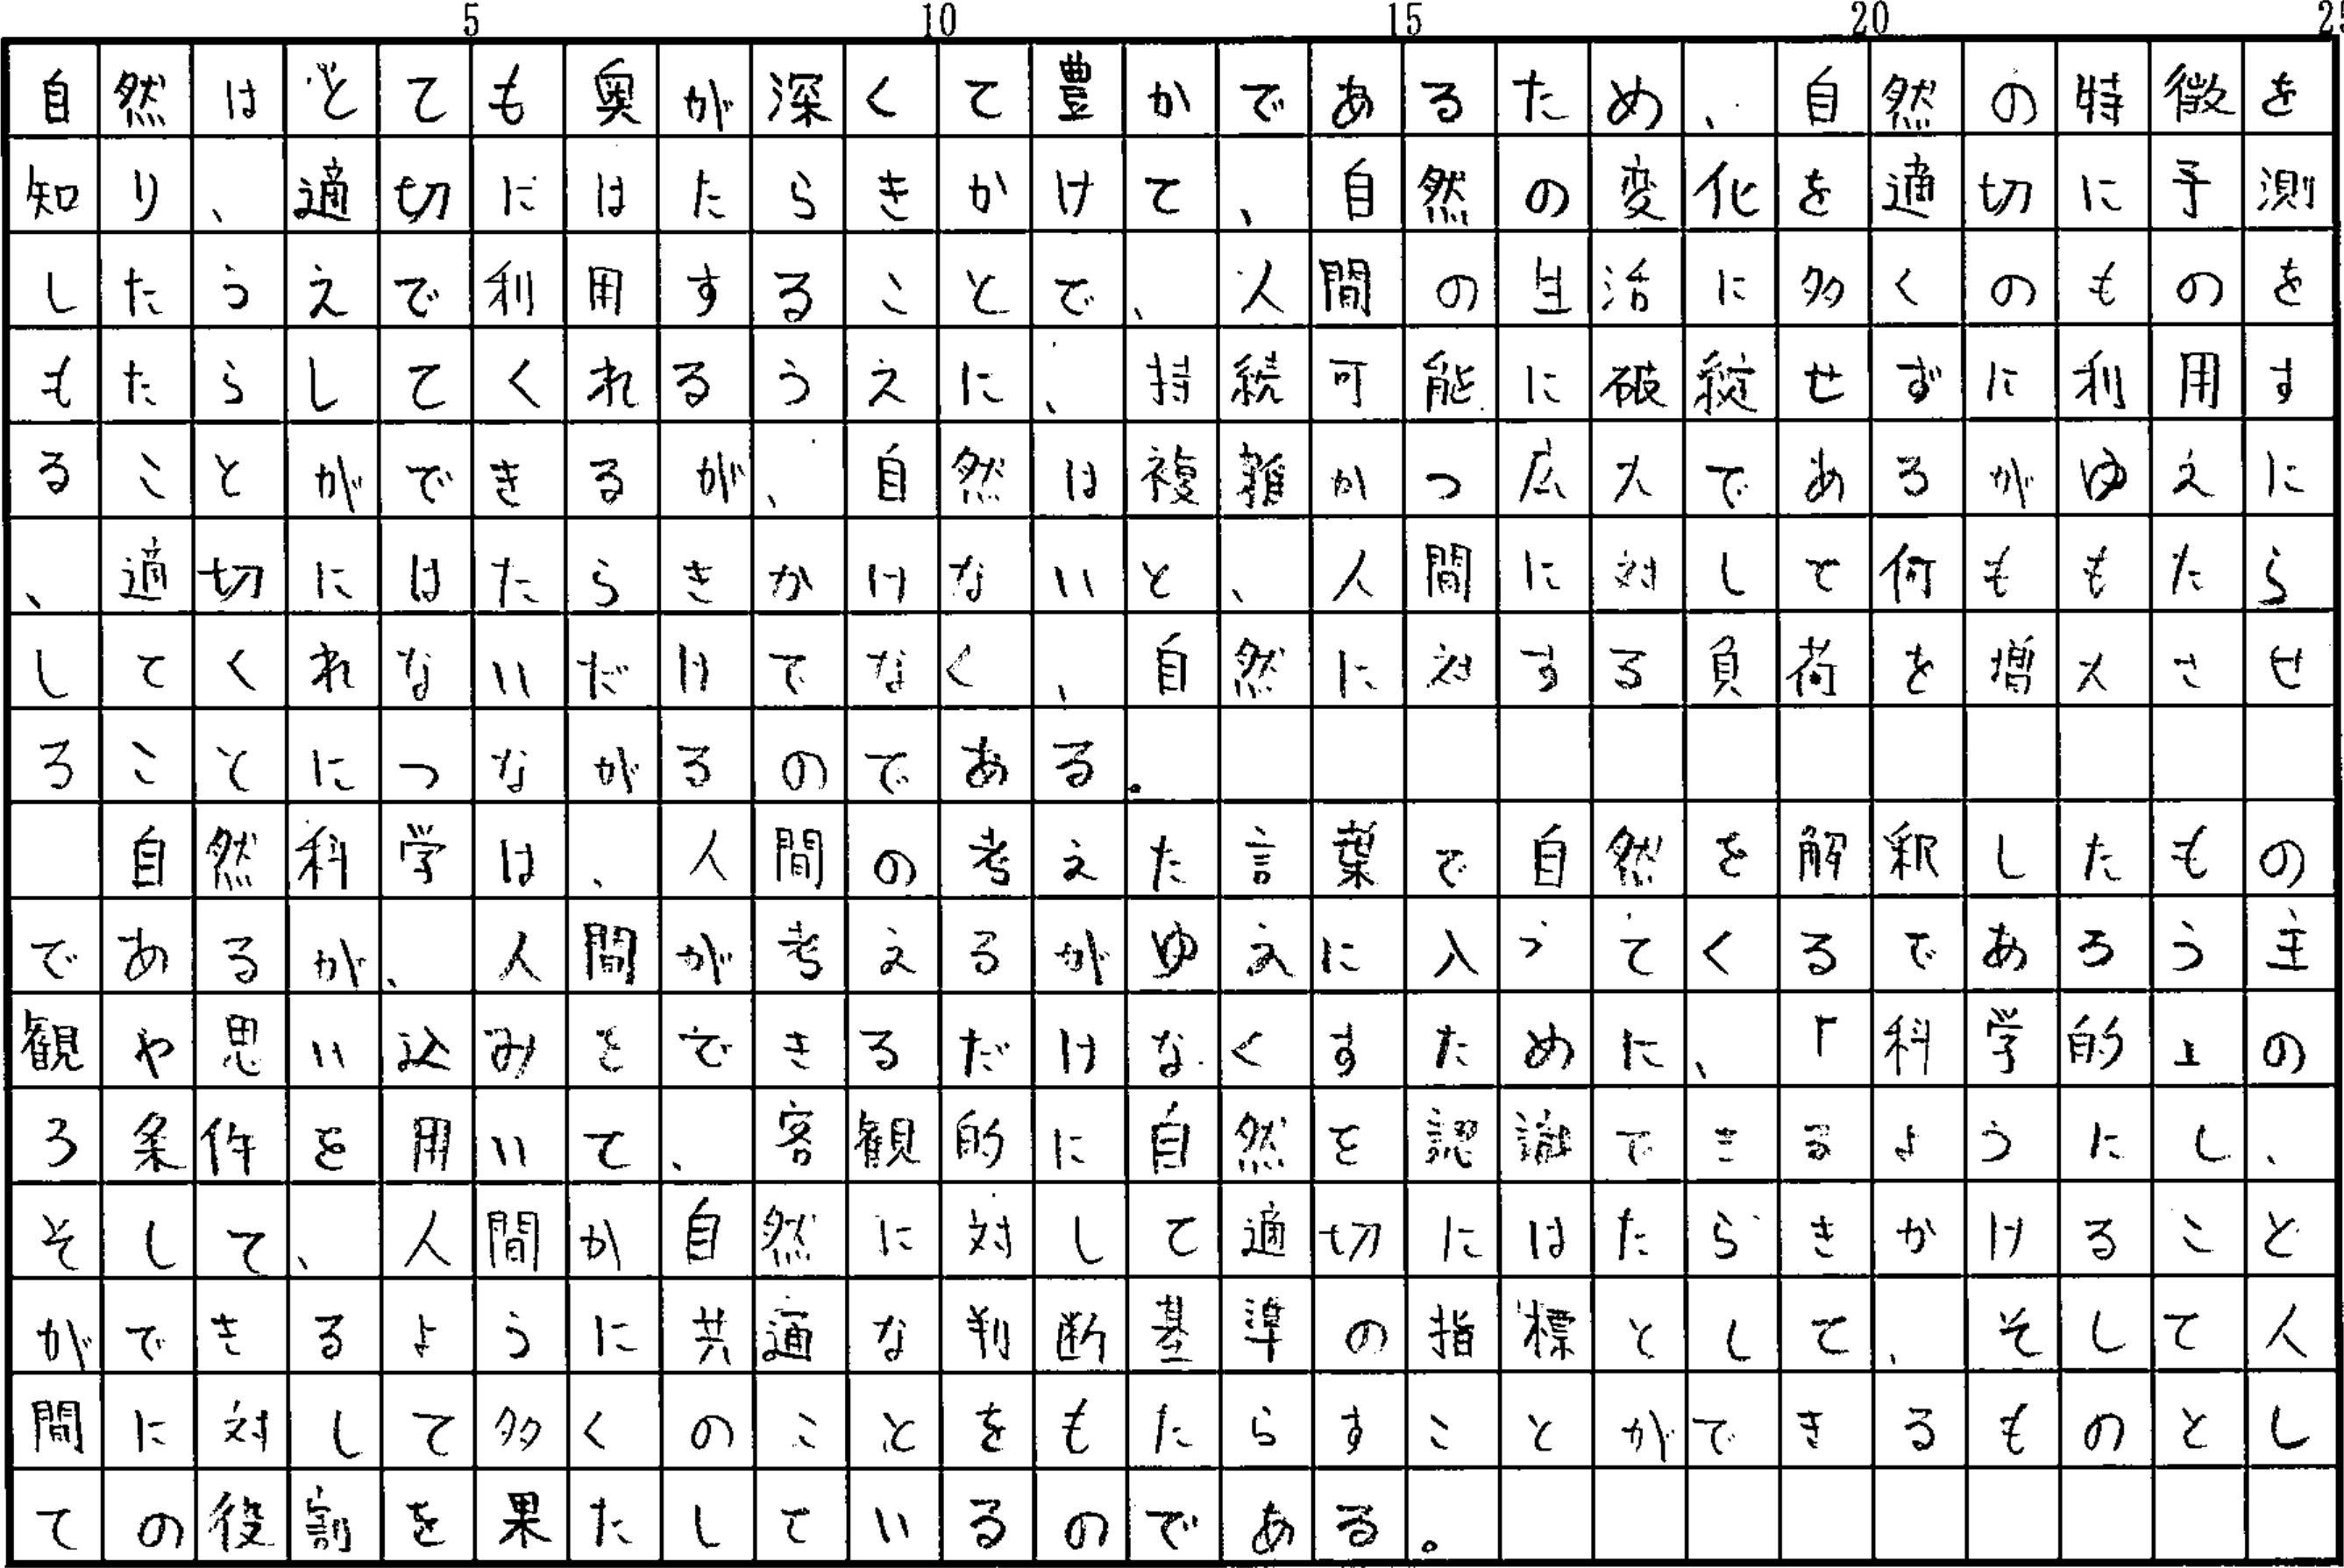自然はとても奥が深くて豊かであるため、自然の特徴を知り、適切にはたらきかけて、自然の変化を適切に予測したうえで利用することで、人間の生活に多くのものをもたらしてくれるうえに、持続可能に破綻せずに利用することができるが、自然は複雑かつ広大であるがゆえに、適切にはたらきかけないと、人間に対して何ももたらしてくれないだけでなく、自然に対する負荷を増大させることにつながるのである。
　自然科学は、人間の考えた言葉で自然を解釈したものであるが、人間が考えるがゆえに入ってくるであろう主観や思い込みをできるだけなくすために、「科学的」の３条件を用いて、客観的に自然を認識できるようにし、そして、人間か自然に対して適切にはたらきかけることができるように共通な判断基準の指標として、そして人間に対して多くのことをもたらすことができるものとしての役割を果たしているのである。
